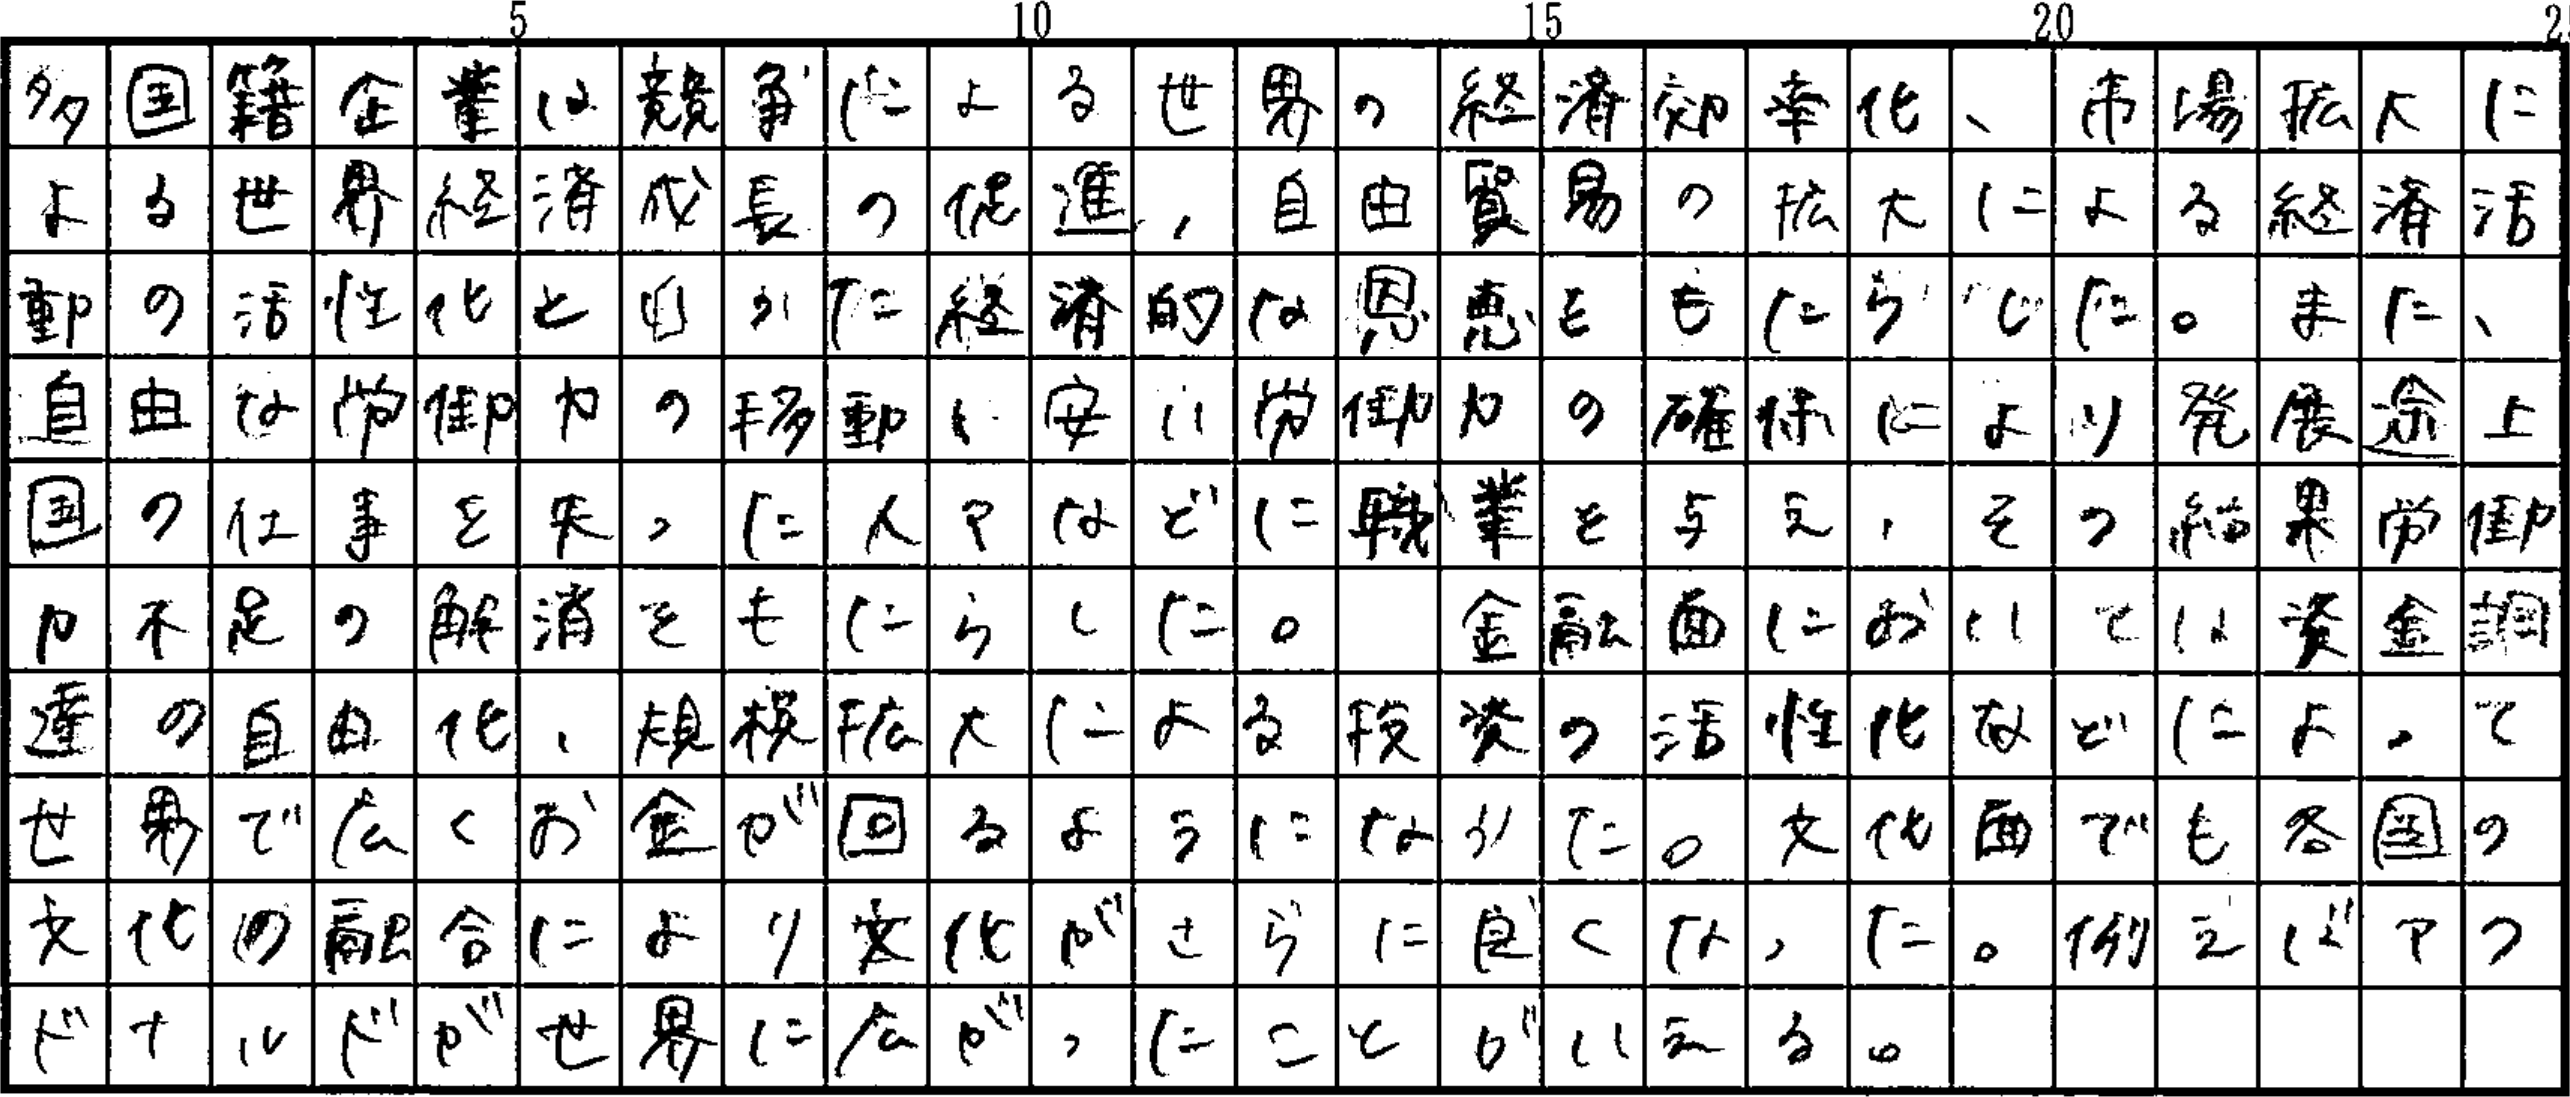多国籍企業は競争による世界の経済効率化、市場拡大による世界経済成長の促進、自由貿易の拡大による経済活動の活性化といった経済的な恩恵をもたらした。また、自由な労働力の移動、安い労働力の確保により発展途上国の仕事を失った人々などに職業を与え、その結果労働力不足の解消をもたらした。　金融面においては資金調達の自由化、規模拡大による投資の活性化などによって世界で広くお金が回るようになった。文化面でも各国の文化の融合により文化がさらに良くなった。例えばマクドナルドが世界に広がったことがいえる。
